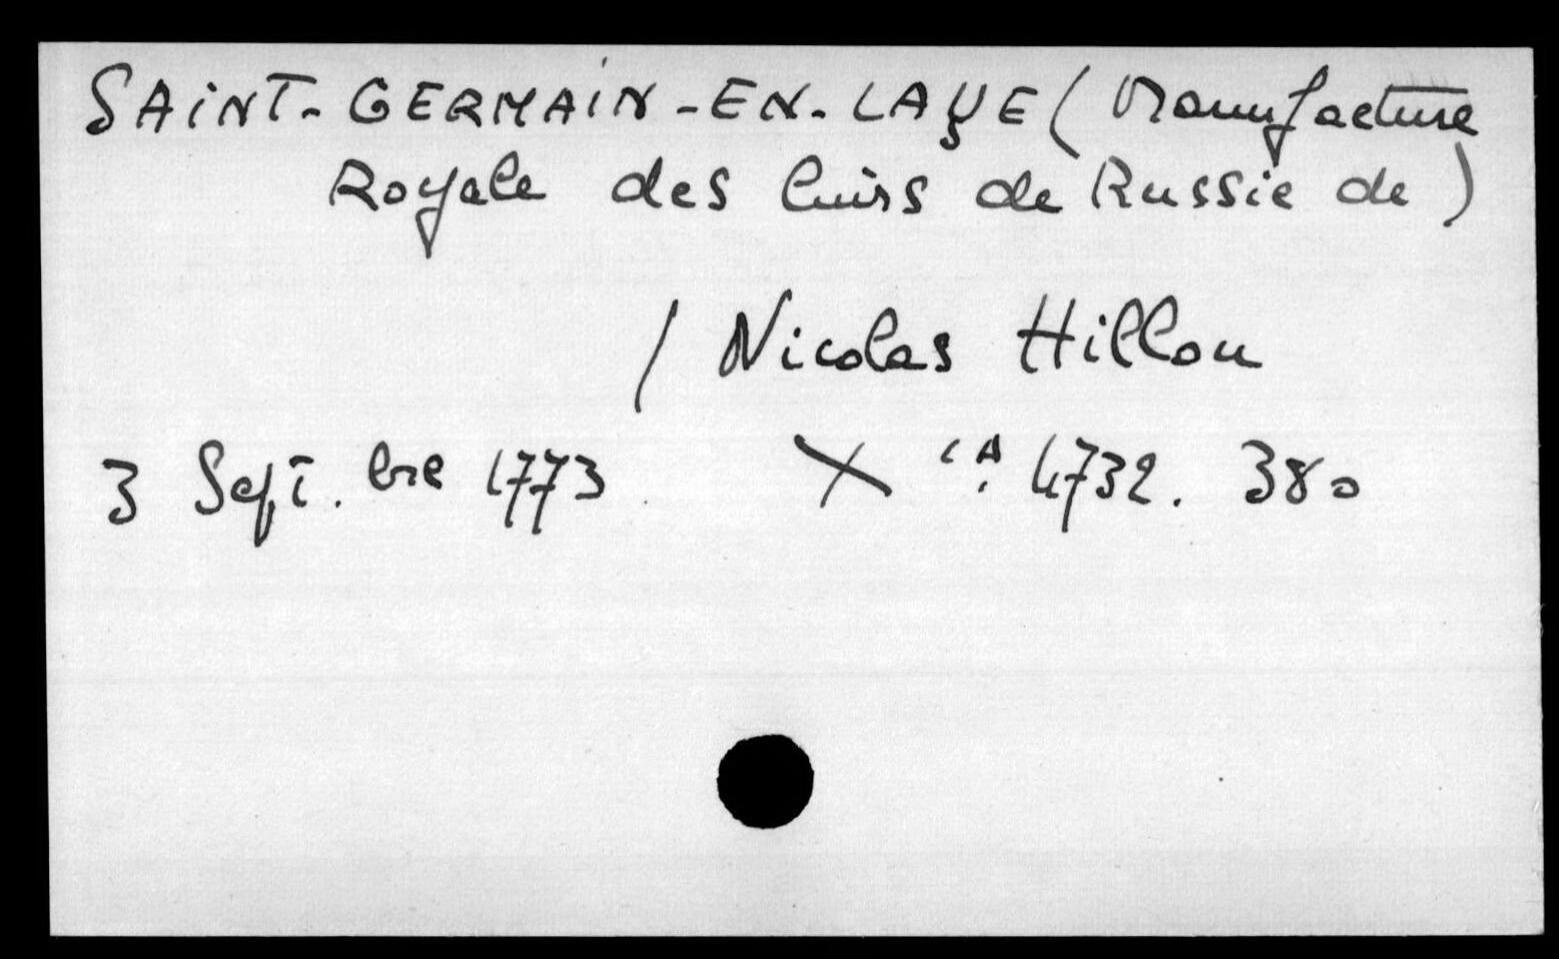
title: SAINT-GERMAIN-EN-LAYE (Manufacture Royale des Cuirs de Russie de)
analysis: Contre Nicolas Hillou
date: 3 septembre 1773
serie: X1A
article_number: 4732
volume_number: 383
